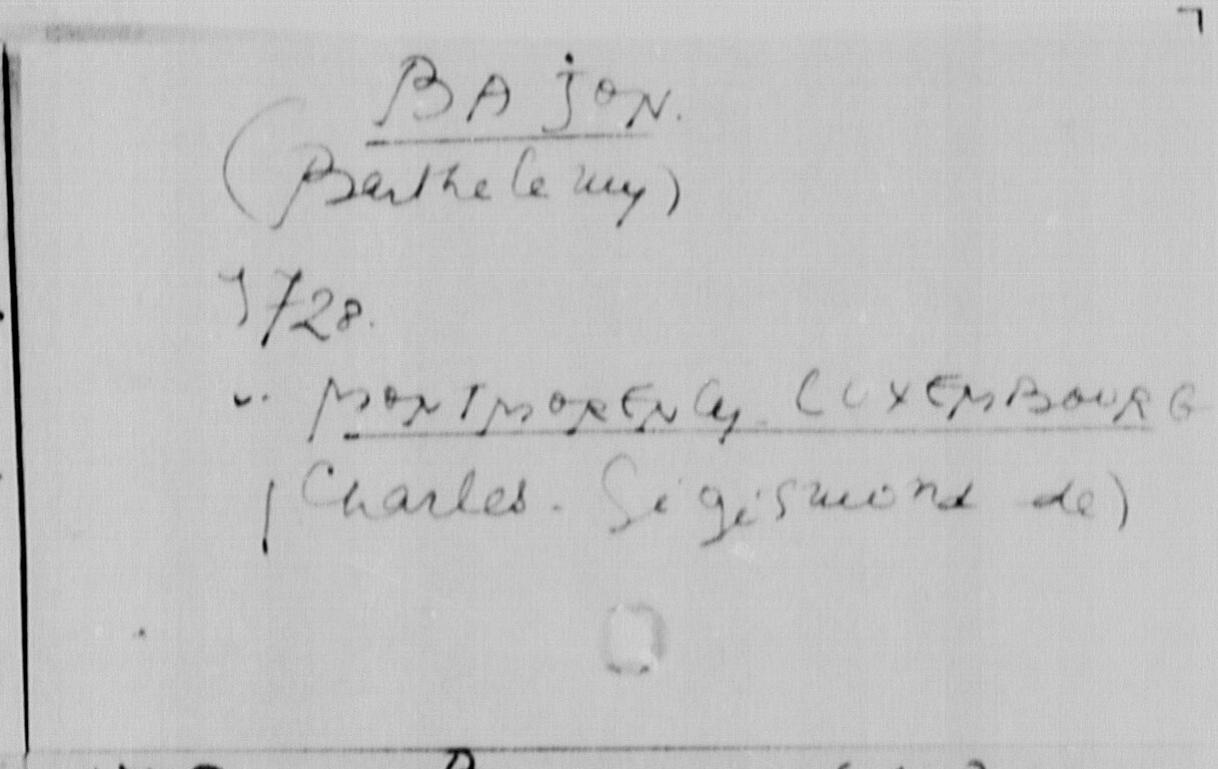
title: BAJON (Barthelemy)
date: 1728
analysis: Voir MONTMORENCY-LUxEmBOURG (Charles-Sigismond de)
